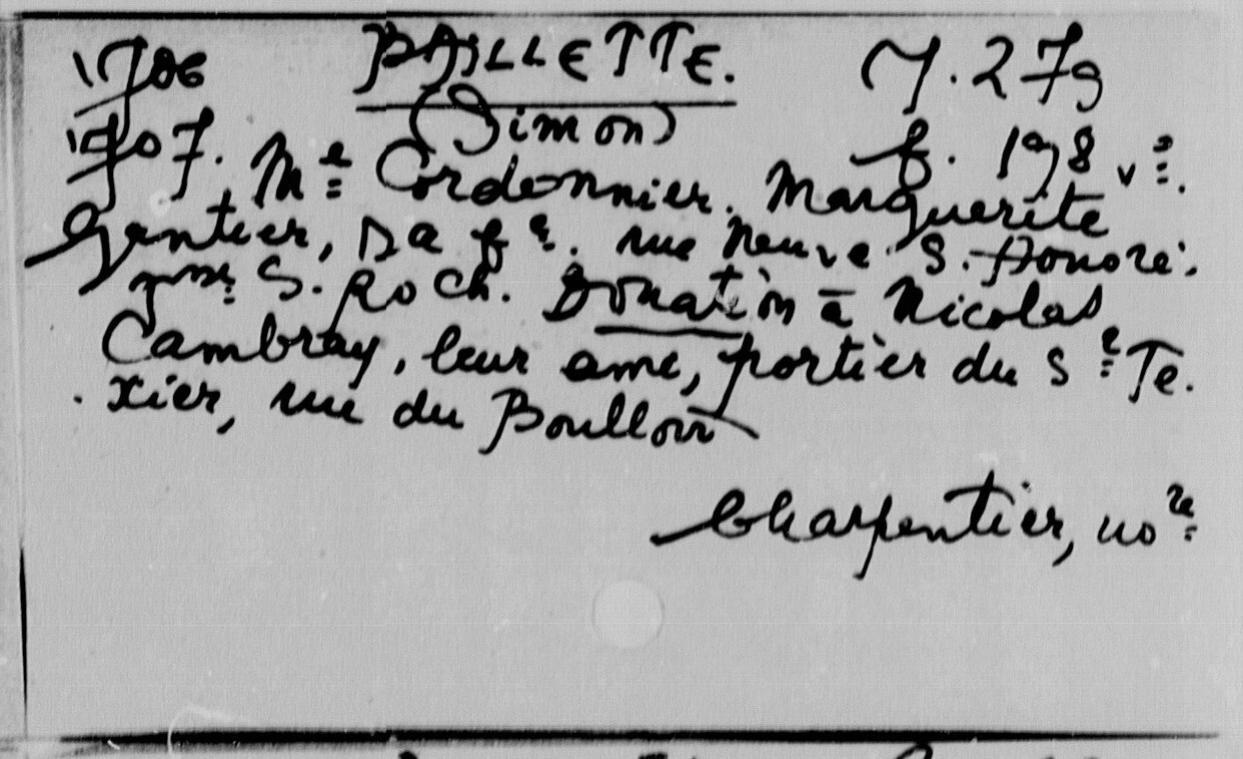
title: BAILLETTE (Simon)
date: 1706-1707
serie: Y
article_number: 279
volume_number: folio 198v
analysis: Maître cordonnier, Marguerite Gantier, sa femme, rue Neuve-Saint-Honoré, paroisse Saint-Roch Donation à Nicolas Cambray, leur ami, portier du sieur Texier, rue du Boulloir Charpentier, notaire
